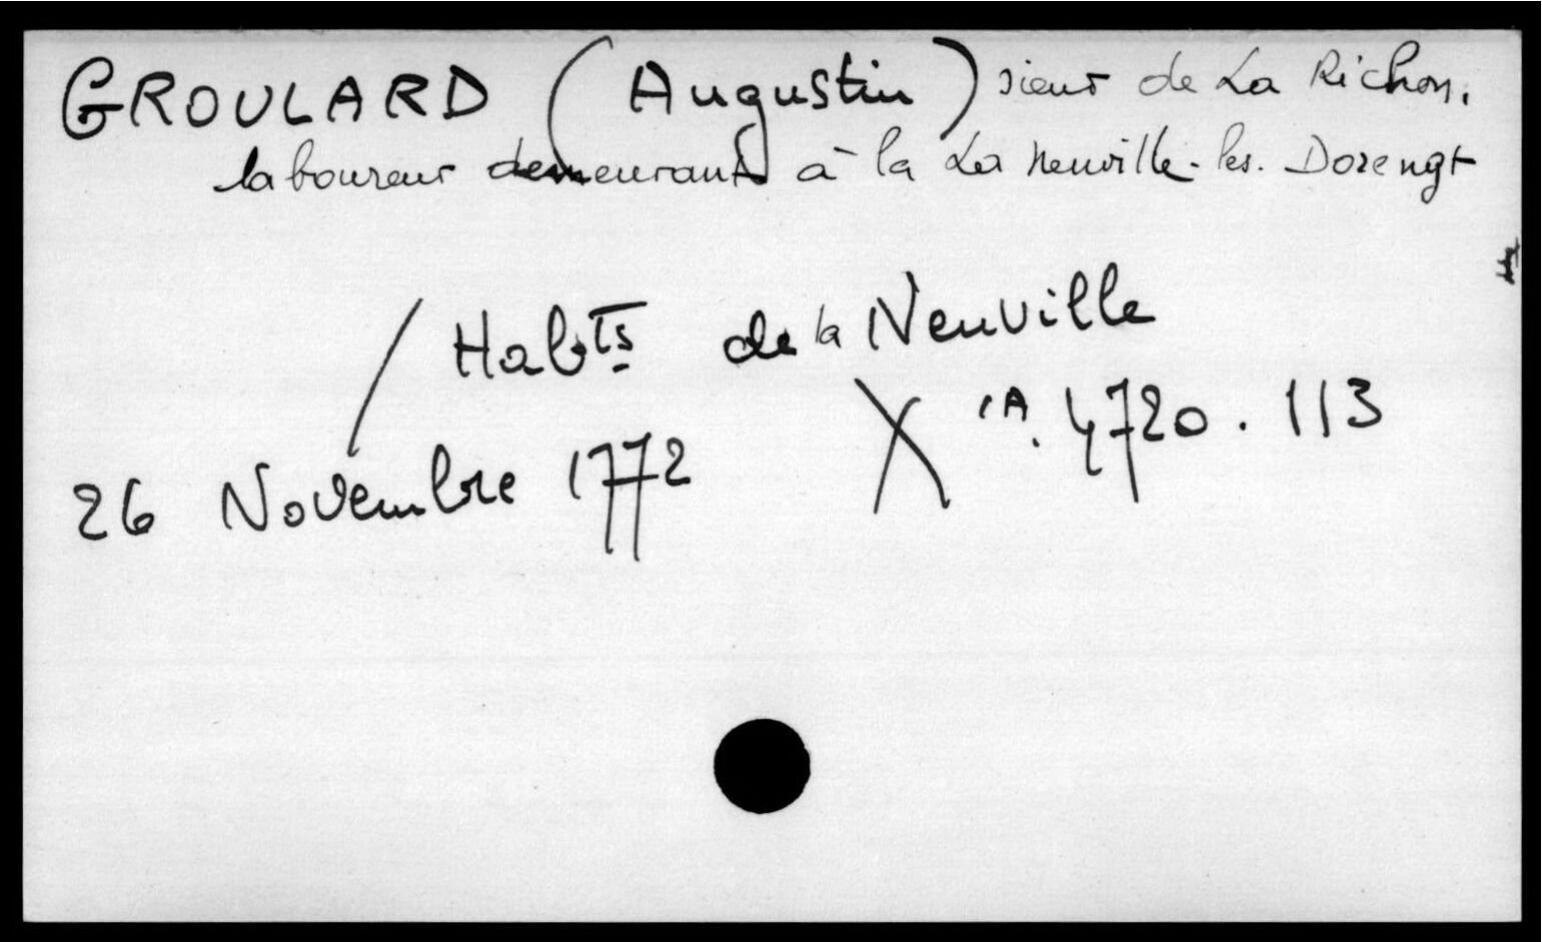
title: GROULARD (Augustin), sieur de La Richon, laboureur demeurant à La Neuville-les-Dorengt
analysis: Contre Habits de la Neuville
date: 26 novembre 1772
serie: X1A
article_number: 4720
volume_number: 113
